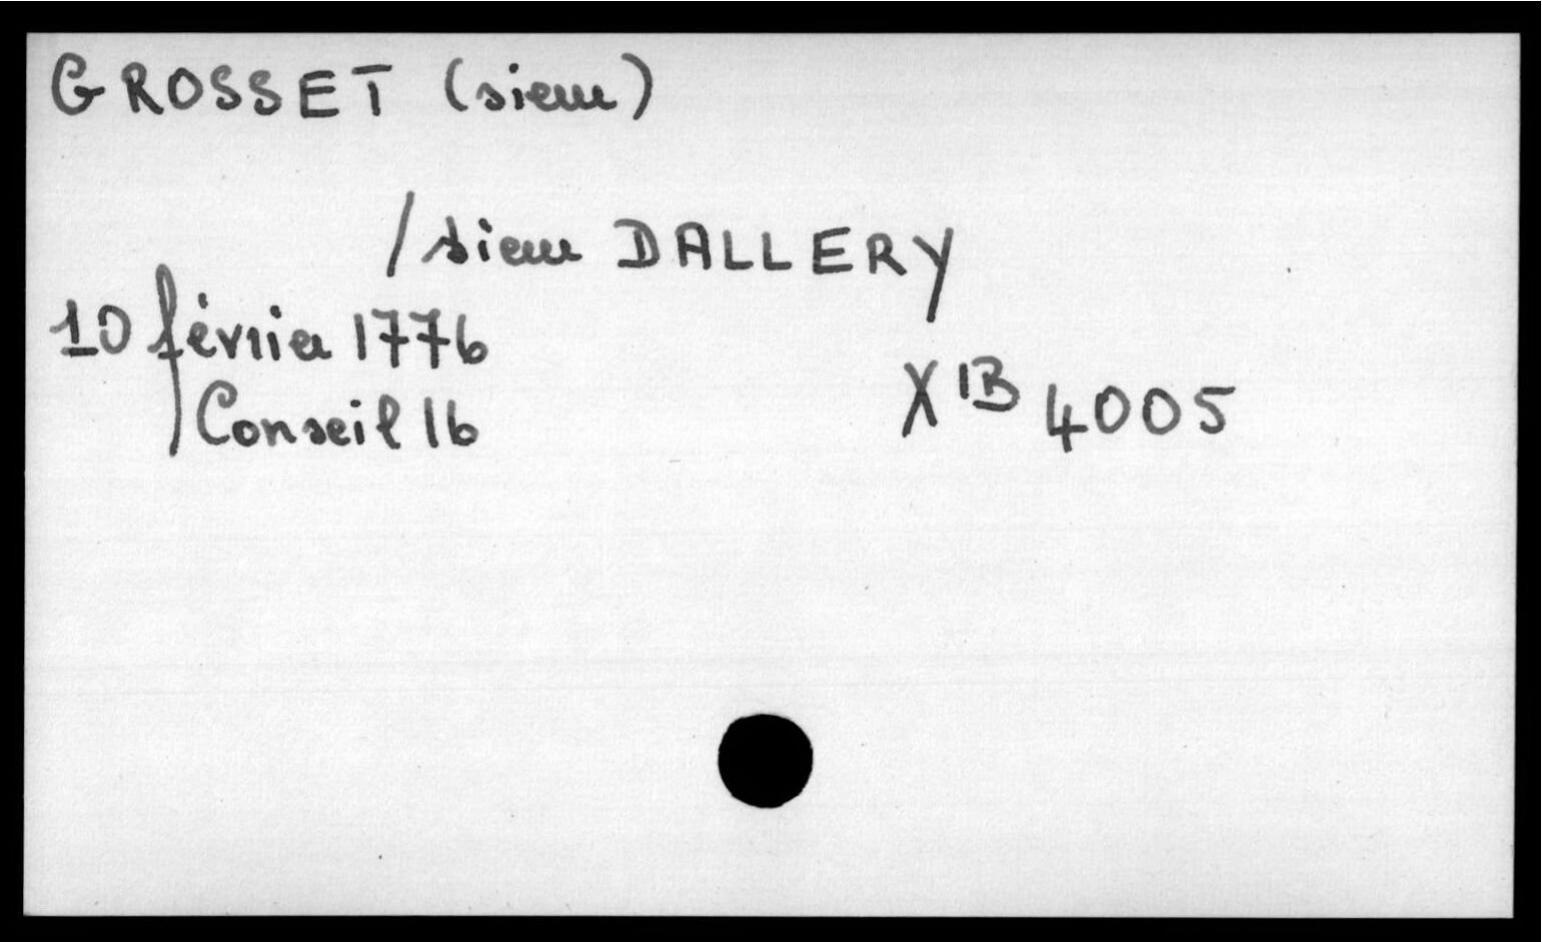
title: GROSSET (sieur)
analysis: Contre sieur DALLERY
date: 10 février 1776
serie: X1b
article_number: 4005
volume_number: Conseil 16
